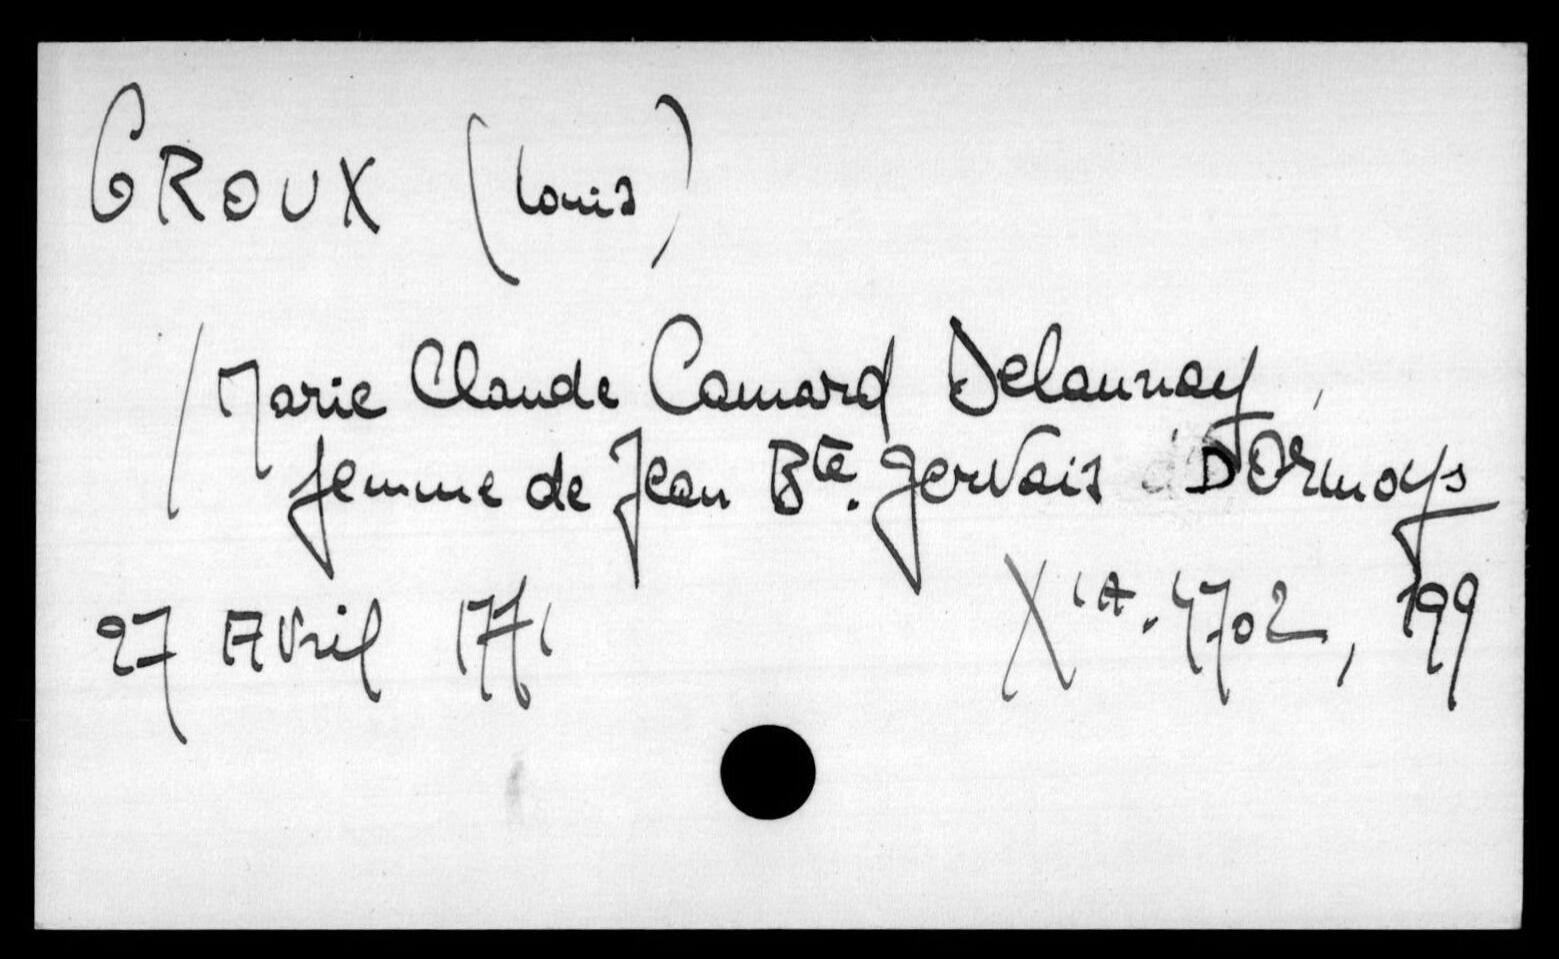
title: GROUX (Louis)
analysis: Contre Marie Claude Camard Delaunay, femme de Jean-Baptiste Gervais Dormoys
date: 27 avril 1771
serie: X1A
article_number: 4702
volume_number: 199
